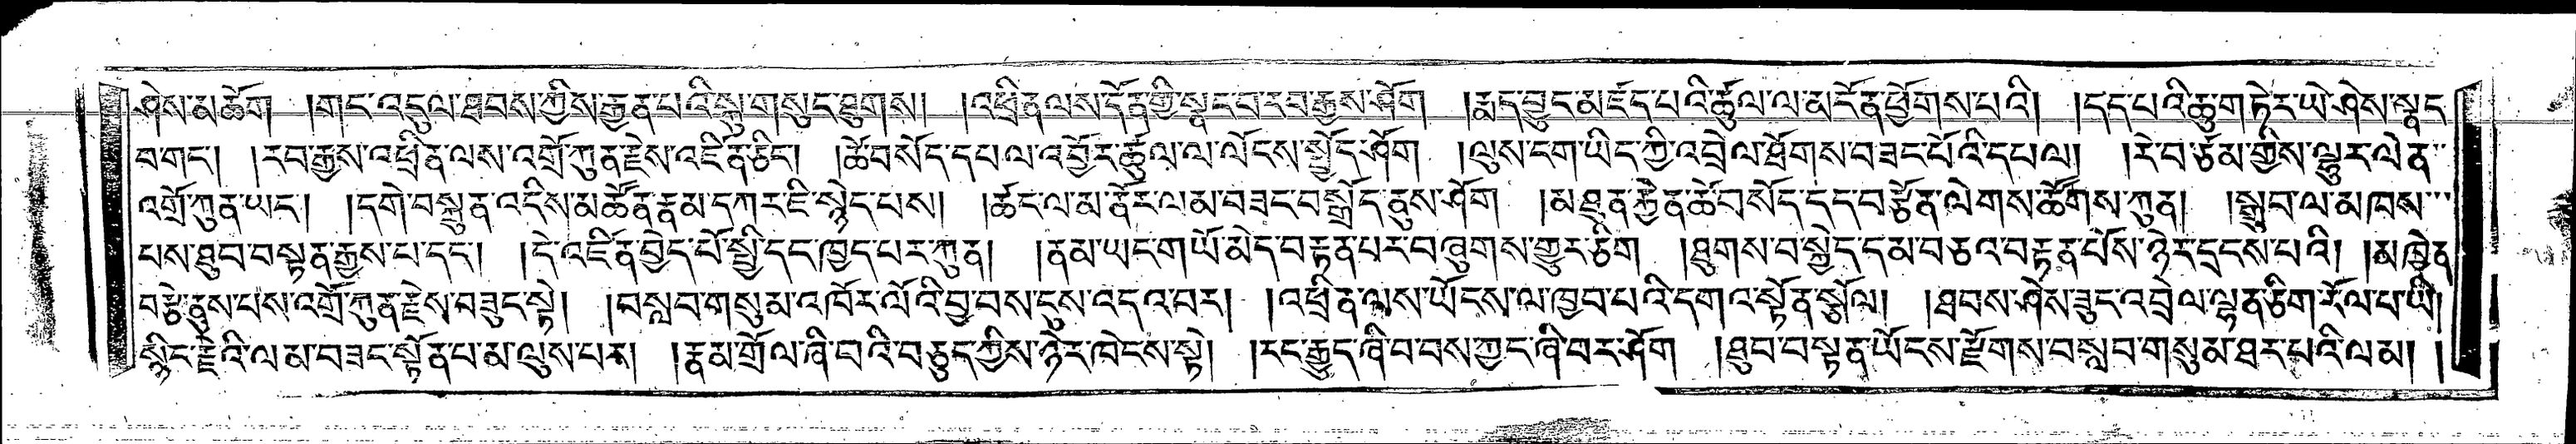ཤེས་མཆོག །གང་འདུལ་ཐབས་ཀྱིས་རྒྱན་པའི་སྐུ་གསུང་ཐུགས། །འཕྲིན་ལས་དོན་གྱི་སྣང་བ་རབ་རྒྱས་ཤོག །རྨད་བྱུང་མཛད་པའི་ཚུལ་ལ་མངོན་ཕྱོགས་པའི། །དད་པའི་ཆུ་གཏེར་ཡེ་ཤེས་སྣང་
བ་གང་། །རབ་རྒྱས་འཕྲིན་ལས་འགྲོ་ཀུན་རྗེས་འཛིན་ཅིང་། །ཚེ་བསོད་དཔལ་འབྱོར་ཚུལ་ལ་ལོངས་སྤྱོད་ཤོག །ལུས་ངག་ཡིད་ཀྱི་འབྲེལ་ཐོགས་བཟང་པོའི་དཔལ། །རེ་བ་ཙམ་གྱིས་ལྷུར་ལེན་
འགྲོ་ཀུན་ཡང་། །དགེ་བསྐྲུན་འདིས་མཚོན་རྣམ་དཀར་ཇི་སྙེད་པས། །ཚང་ལ་མ་ནོར་ལམ་བཟང་བསྒྲོད་ནུས་ཤོག །མཐུན་རྐྱེན་ཚེ་བསོད་དད་བརྩོན་ལེགས་ཚོགས་ཀུན། །སྒྲུབ་ལ་མཁས་
པས་ཐུབ་བསྟན་རྒྱས་པ་དང་། །དེ་འཛིན་བྱེད་པོ་སྤྱི་དང་ཁྱད་པར་ཀུན། །ནམ་ཡང་གཡོ་མེད་བརྟན་པར་བཞུགས་གྱུར་ཅིག །ཐུགས་བ་སྐྱེད་དམ་བཅའ་བརྟན་པོས་ཉེར་དྲངས་པའི། །མཁྱེན་
བརྩེ་ནུས་པས་འགྲོ་ཀུན་རྗེས་བཟུང་སྟེ། །བསླབ་གསུམ་འཁོར་ལོའི་བྱ་བས་དུས་འདའ་བར། །འཕྲིན་ལས་ཡོངས་ལ་ཁྱབ་པའི་དགའ་སྟོན་སྩོལ། །ཐབས་ཤེས་ཟུང་འབྲེལ་ལྷན་ཅིག་རོལ་པ་ཡི།
སྙིང་རྗེའི་ལམ་བཟང་སྟོན་པ་མ་ལུས་པར། །རྣམ་གྲོལ་ཞི་བའི་བཅུད་ཀྱིས་ཉེར་ཁེངས་སྟེ། །རང་རྒྱུད་ཞི་བ་བས་ཀྱང་ཞི་བར་ཤོག །ཐུབ་བསྟན་ཡོངས་རྫོགས་བསླབ་གསུམ་ཐར་པའི་ལམ། །